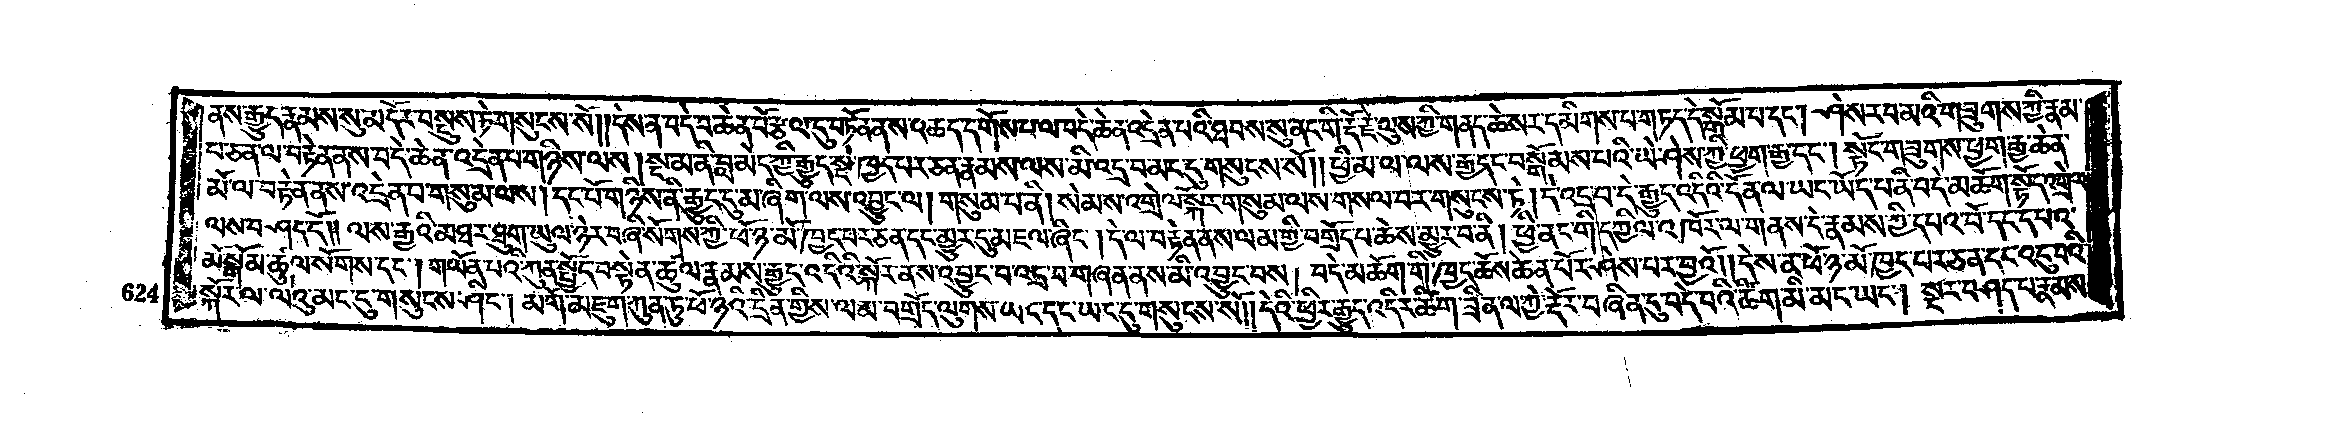ནས་རྒྱུད་རྣམས་སུ་མདོར་བསྡུས་ཏེ་གསུངས་སོ། །དེས་ན་བདེ་བ་ཆེན་པོ་རྩལ་དུ་བཏོན་ནས་འཆད་དགོས་པ་ལ་བདེ་ཆེན་འདྲེན་པའི་ཐབས་སུ་ནང་གི་རྡོ་རྗེ་ལུས་ཀྱི་གནད་ཆེ་སར་དམིགས་པ་གཏད་དེ་སྒོམ་པ་དང་། ཤེས་རབ་མའི་གཟུགས་ཀྱི་རྣམ་
པ་ཅན་ལ་བརྟེན་ནས་བདེ་ཆེན་འདྲེན་པ་གཉིས་ལས། སྔ་མ་ནི་བླ་མེད་ཀྱི་རྒྱུད་སྡེ་ཁྱད་པར་ཅན་རྣམས་ལས་མི་འདྲ་བ་མང་དུ་གསུངས་སོ། །ཕྱི་མ་ལ་ལས་རྒྱ་དང་བསྒོམས་པའི་ཡེ་ཤེས་ཀྱི་ཕྱག་རྒྱ་དང་། སྟོང་གཟུགས་ཕྱག་རྒྱ་ཆེན་
མེ་ལ་བརྟེན་ནས་འདྲེན་པ་གསུམ་ལས། དང་པོ་གཉིས་ནི་རྒྱུད་དུ་མ་ཞིག་ལས་འབྱུང་ལ། གསུམ་པ་ནི། སེམས་འགྲེལ་སྐོར་གསུམ་ལས་གསལ་བར་གསུངས་ཏེ། དེ་འདྲ་བ་དེ་རྒྱུད་འདིའི་དོན་ལ་ཡང་ཡོད་པ་ནི་བདེ་མཆོག་སྟོད་འགྲེལ་
ལས་བཤད་དོ། །ལས་རྒྱའི་མཐར་ཐུག་ཡུལ་ཉེར་བཞི་སོགས་ཀྱི་ཕོ་ཉ་མོ་ཁྱད་པར་ཅན་དང་མྱུར་དུ་མཇལ་ཞིང་། དེ་ལ་བརྟེན་ནས་ལམ་གྱི་བགྲོད་པ་ཆེས་མྱུར་བ་ནི། ཕྱི་ནང་གི་དཀྱིལ་འཁོར་ལ་གནས་དེ་རྣམས་ཀྱི་དཔའ་བོ་དང་དཔའ་
མོ་སྒོམ་ཚུལ་སོགས་དང་། གཡོན་པའི་ཀུན་སྤྱོད་བསྟེན་ཚུལ་རྣམས་རྒྱུད་འདིའི་སྐོར་ནས་འབྱུང་བ་འདྲ་བ་གཞན་ནས་མི་འབྱུང་བས། བདེ་མཆོག་གི་ཁྱད་ཆོས་ཆེན་པོར་ཤེས་པར་བྱའོ། །དེས་ན་ཕོ་ཉ་མོ་ཁྱད་པར་ཅན་དང་འདུ་བའི་
སྐོར་ལ་ལེའུ་མང་དུ་གསུངས་ཤིང་། མགོ་མཇུག་ཀུན་ཏུ་ཕོ་ཉའི་དྲིན་གྱིས་ལམ་བགྲོད་ལུགས་ཡང་དང་ཡང་དུ་གསུངས་སོ། །དེའི་ཕྱིར་རྒྱུད་འདིར་ཚིག་ཟིན་ལ་ཀྱེ་རྡོར་བཞིན་དུ་བདེ་བའི་ཚིག་མི་མང་ཡང་། སྔར་བཤད་པ་རྣམས་